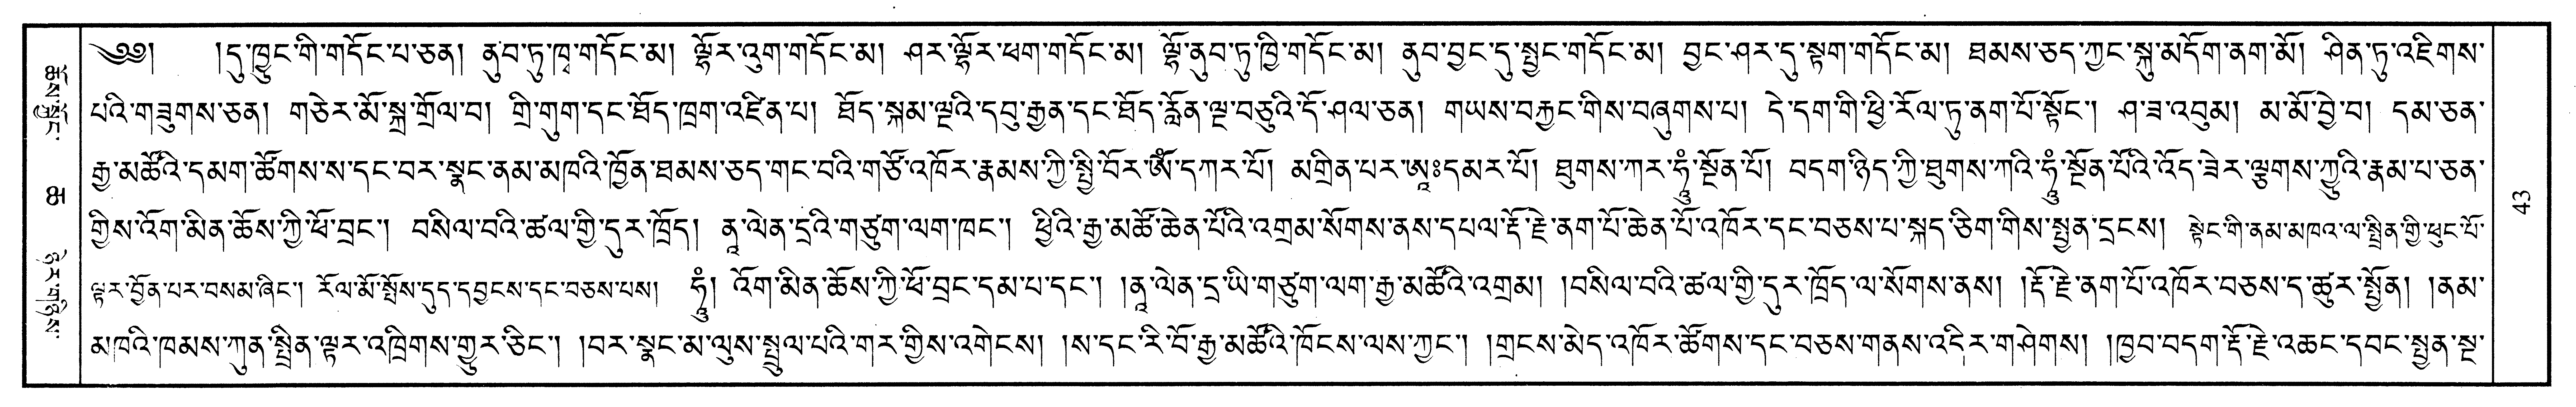༄༅། །དུ་ཁྱུང་གི་གདོང་པ་ཅན། ནུབ་ཏུ་ཁྭ་གདོང་མ། ལྷོར་འུག་གདོང་མ། ཤར་ལྷོར་ཕག་གདོང་མ། ལྷོ་ནུབ་ཏུ་ཁྱི་གདོང་མ། ནུབ་བྱང་དུ་སྤྱང་གདོང་མ། བྱང་ཤར་དུ་སྟག་གདོང་མ། ཐམས་ཅད་ཀྱང་སྐུ་མདོག་ནག་མོ། ཤིན་ཏུ་འཇིགས་
པའི་གཟུགས་ཅན། གཅེར་མོ་སྐྲ་གྲོལ་བ། གྲི་གུག་དང་ཐོད་ཁྲག་འཛིན་པ། ཐོད་སྐམ་ལྔའི་དབུ་རྒྱན་དང་ཐོད་རློན་ལྔ་བཅུའི་དོ་ཤལ་ཅན། གཡས་བརྐྱང་གིས་བཞུགས་པ། དེ་དག་གི་ཕྱི་རོལ་ཏུ་ནག་པོ་སྟོང་། ཤ་ཟ་འབུམ། མ་མོ་བྱེ་བ། དམ་ཅན་
རྒྱ་མཚོའི་དམག་ཚོགས་ས་དང་བར་སྣང་ནམ་མཁའི་ཁྱོན་ཐམས་ཅད་གང་བའི་གཙོ་འཁོར་རྣམས་ཀྱི་སྤྱི་བོར་ཨོཾ་དཀར་པོ། མགྲིན་པར་ཨཱཿ དམར་པོ། ཐུགས་ཀར་ཧཱུཾ་སྔོན་པོ། བདག་ཉིད་ཀྱི་ཐུགས་ཀའི་ཧཱུཾ་སྔོན་པོའི་འོད་ཟེར་ལྕགས་ཀྱུའི་རྣམ་པ་ཅན་
གྱིས་འོག་མིན་ཆོས་ཀྱི་ཕོ་བྲང་། བསིལ་བའི་ཚལ་གྱི་དུར་ཁྲོད། ནཱ་ལེན་དྲའི་གཙུག་ལག་ཁང་། ཕྱིའི་རྒྱ་མཚོ་ཆེན་པོའི་འགྲམ་སོགས་ནས་དཔལ་རྡོ་རྗེ་ནག་པོ་ཆེན་པོ་འཁོར་དང་བཅས་པ་སྐད་ཅིག་གིས་སྤྱན་དྲངས། སྟེང་གི་ནམ་མཁའ་ལ་སྤྲིན་གྱི་ཕུང་པོ་
ལྟར་བྱོན་པར་བསམ་ཞིང་། རོལ་མོ་སྤོས་དུད་དབྱངས་དང་བཅས་པས། ཧཱུཾ། འོག་མིན་ཆོས་ཀྱི་ཕོ་བྲང་དམ་པ་དང་། །ནཱ་ལེན་དྲ་ཡི་གཙུག་ལག་རྒྱ་མཚོའི་འགྲམ། །བསིལ་བའི་ཚལ་གྱི་དུར་ཁྲོད་ལ་སོགས་ནས། །རྡོ་རྗེ་ནག་པོ་འཁོར་བཅས་ད་ཚུར་སྤྱོན། །ནམ་
མཁའི་ཁམས་ཀུན་སྤྲིན་ལྟར་འཁྲིགས་གྱུར་ཅིང་། །བར་སྣང་མ་ལུས་སྤྲུལ་པའི་གར་གྱིས་འགེངས། །ས་དང་རི་བོ་རྒྱ་མཚོའི་ཁོངས་ལས་ཀྱང་། །གྲངས་མེད་འཁོར་ཚོགས་དང་བཅས་གནས་འདིར་གཤེགས། །ཁྱབ་བདག་རྡོ་རྗེ་འཆང་དབང་སྤྱན་སྔ་